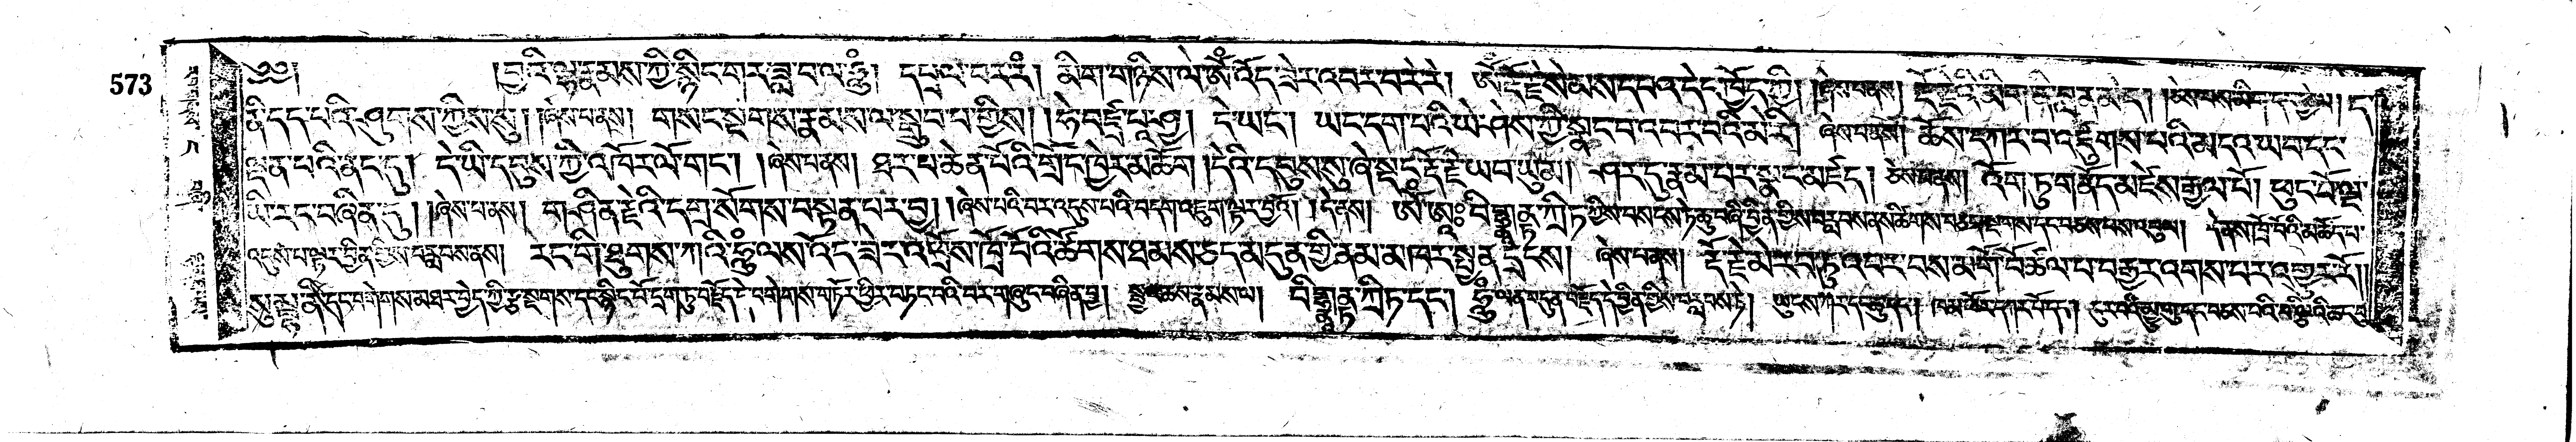༄༅། །བྱའི་ལྷ་རྣམས་ཀྱི་སྙིང་གར་ཟླ་བ་ལ་ཧཱུཾ། དཔྲལ་བར་རཾ། མིག་གཉིས་ལ་ཨོཾ་འོད་ཟེར་འབར་བ་རེ་རེ། ཨོཾ་རྡོ་རྗེ་སེམས་དཔའ་དེང་ཁྱོད་ཀྱི། །ཞེས་པ་ནས།  རྡོ་རྗེའི་མིག་ནི་བླ་ན་མེད། །ཅེས་པས་མིག་དར་ཕྱེལ།  ད་
ནི་དད་པའི་ཤུགས་ཀྱིས་སུ། །ཞེས་པ་ནས།  གསང་སྔགས་རྣམས་ལ་སྒྲུབ་པ་གྱིས། །ཧེ་བཛྲ་པཱ་ཤྱ། དེ་ཡང་། ཡང་དག་བའི་ཡེ་ཤེས་ཀྱི་སྣང་བ་འབར་བའི་མེ་རི། ཞེས་པ་ནས།  ཆོས་དཀར་བ་འཛུགས་པའི་མངའ་ཡབ་དང་
ལྡན་པའི་ནང་དུ། དེ་ཡི་དབུས་ཀྱི་འཁོར་ལོ་གང་། །ཞེས་པ་ནས།  ཐར་པ་ཆེན་པོའི་གྲོང་ཁྱེར་མཆོག །དེའི་དབུས་སུ་ཞེ་སྡང་རྡོ་རྗེ་ཡབ་ཡུམ། ཤར་དུ་རྣམ་པར་སྣང་མཛད། ཅེས་པ་ནས།  འོག་ཏུ་གནོད་མཛེས་རྒྱལ་པོ། ཕུང་པོ་ལྔ་
ཡི་རང་བཞིན་དུ། །ཞེས་པ་ནས།  གཤིན་རྗེའི་དགྲ་སོགས་བསྟན་པར་བྱ། །ཞེས་པའི་བར་འདུས་པའི་བདག་འཇུག་ལྟར་བྱའོ། །དེ་ནས།  ཨོཾ་ཨཱཿབིགྷྣཱ་ཀྲི་ཏ་ཀྱིས་བསངས་ཏེ་ཆུ་བཞི་བྱིན་གྱིས་བརླབས་ནས་ཚིགས་བཅད་སྔགས་དང་བཅས་པས་འབུལ། དེ་ནས་ཁྲོ་བོའི་མཆོད་པ་
འདུས་པ་ལྟར་བྱིན་གྱིས་བརླབས་ནས། རང་གི་ཐུགས་ཀའི་ཧཱུཾ་ལས་འོད་ཟེར་འཕྲོས་ཁྲོ་བོའི་ཚོགས་ཐམས་ཅད་མདུན་གྱི་ནམ་མཁར་སྤྱན་དྲངས། ཞེས་པ་ནས།  རྡོ་རྗེ་མེ་རབ་ཏུ་འབར་བས་མགོ་བོ་ཚལ་པ་བརྒྱར་འགས་པར་འགྱུར་རོ། །
སུམྦྷ་ནི་དང་བགེགས་མཐར་བྱེད་ཀྱི་རྩ་སྔགས་དང་སྙིང་པོ་དྲག་ཏུ་བརྗོད་དེ་བགེགས་གཏོར་ཕྱིར་བཏང་བའི་བར་གཞུང་བཞིན་བྱ། སྦྱར་ཆས་རྣམས་ལ།  བིགྷྣཱ་ནྟ་ཀྲིཏ་དང་། ཧཱུཾ་ལན་བདུན་བརྗོད་དེ་བྱིན་གྱིས་བརླབས་ཏེ། ཡུངས་ཀར་དང་ཆུ་དང་། ཁམ་ཕོར་དཀར་པོ་དང་། དུར་བའི་མྱུ་གུ་དང་བཅས་པའི་བ་ལྕིའི་ཆང་བུ་